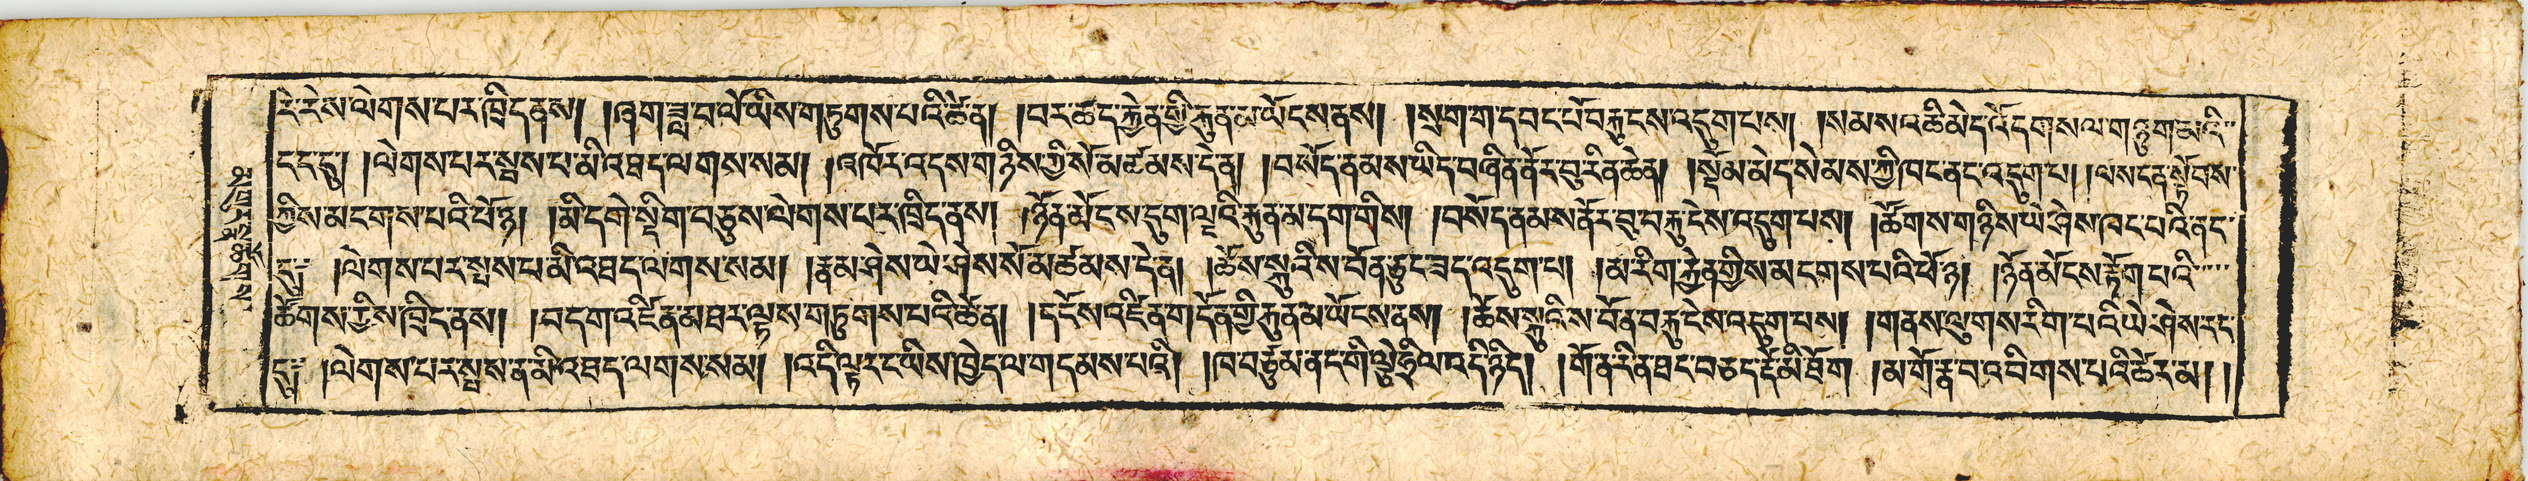རེ་རེས་ལེགས་པར་ཁྲིད་ནས། །ཞག་ཟླ་བ་ལོ་ཡིས་གཏུགས་པའི་ཚེ་ན། །བར་ཆད་རྐྱེན་གྱི་རྐུན་མ་ཡོངས་ནས། །སྲག་གི་དབང་པོ་བརྐུངས་འདུག་པས། །སེམས་འཆི་མེད་འོད་གསལ་གཉུག་མའི་
ངང་དུ། །ལེགས་པར་སྦས་པ་མི་འཐད་ལགས་སམ། །འཁོར་འདས་གཉིས་ཀྱི་སོ་མཚམས་དེ་ན། །བསོད་ནམས་ཡིད་བཞིན་ནོར་བུ་རིན་ཆེན། །སྡོམ་མེད་སེམས་ཀྱི་ཁང་ནང་འདུག་པ། །ལས་ངན་སྟོབས་
ཀྱིས་མངགས་པའི་ཕོ་ཉ། །མི་དགེ་སྡིག་བཅུས་ལེགས་པར་ཁྲིད་ནས། །ཉོན་མོངས་དུག་ལྔའི་རྐུན་མ་དག་གིས། །བསོད་ནམས་ནོར་བུ་བརྐུ་ངེས་འདུག་པས། །ཚོགས་གཉིས་ཡེ་ཤེས་ཁང་པའི་ནང་
དུ། །ལེགས་པར་སྤས་པ་མི་འཐད་ལགས་སམ། །རྣམ་ཤེས་ཡེ་ཤེས་སོ་མཚམས་དེ་ན། །ཆོས་སྐུའི་ས་བོན་ཅུང་ཟད་འདུག་པ། །མ་རིག་རྐྱེན་གྱིས་མངགས་པའི་ཕོ་ཉ། །ཉོན་མོངས་རྟོག་པའི་
ཚོགས་ཀྱིས་ཁྲིད་ནས། །བདག་འཛིན་མཐར་ལྟས་གཏུགས་པའི་ཚེ་ན། །དངོས་འཛིན་གདོན་གྱི་རྐུན་མ་ཡོངས་ནས། །ཆོས་སྐུའི་ས་བོན་བརྐུ་ངེས་འདུག་པས། །གནས་ལུགས་རིག་པའི་ཡེ་ཤེས་རང་
དུ། །ལེགས་པར་སྦས་ན་མི་འཐད་ལགས་སམ། །འདི་ལྟར་ང་ཡིས་ཁྱེད་ལ་གདམས་པའི། །ཁ་བཙུམ་ནང་གི་ལྕེ་ཧྲིལ་འདི་ཉིད། །གོ་ན་རིན་ཐང་བཅད་རྡོ་མི་ཐོག །མ་གོ་རྣ་བ་འབིགས་པའི་ཚེར་མ།།